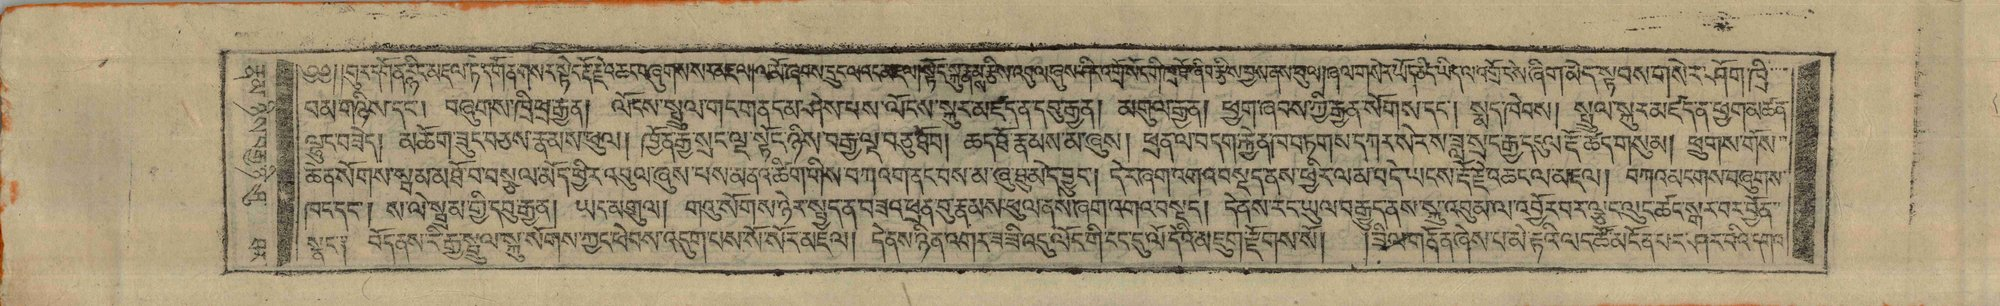༄༅། །གུར་དགོན་རྙིང་མཇལ་ཏེ་དགོན་གསར་སྟེང་རྡོ་རྗེ་འཆང་བཞུགས་སར་མཇལ། ལ་མོ་ཞབས་དྲུང་ལའང་མཇལ། སྟོང་སྐུ་རྣམས་རྩིས་འབུལ་ཞུས་ཤིང་འགྲོ་སོང་གི་ཁྲ་ཐོ་ཞིབ་རྩིས་བྱས་ནས་ཕུལ། ཞལ་གསེར་ཡོད་ཅིང་ཡིད་ལ་འགྲོ་ངེས་ཞིག་མེད་སྟབས་གསེར་ཤོག་ཁྲི་
བམ་གཉིས་དང་། བཞུགས་ཁྲི་ཕྲ་རྒྱན། ལོངས་སྤྲུལ་གང་གནང་མ་ཤེས་པས་ལོངས་སྐུར་མཛད་ན་དབུ་རྒྱན། མགུལ་རྒྱན། ཕྱག་ཞབས་ཀྱི་རྒྱན་སོགས་དང་། སྨད་ཁེབས། སྤྲུལ་སྐུར་མཛད་ན་ཕྱག་མཚན་
ལྷུང་བཟེད། མཆོག་ཟུང་བཅས་རྣམས་ཕུལ། ཁྱོན་རྒྱ་སྲང་ལྔ་སྟོང་ཉིས་བརྒྱ་ལྔ་བཅུ་ཐོབ། ཆད་ཐོ་རྣམས་མ་ཞུས། ཕྲན་ལ་བདག་རྐྱེན་ཁ་བཏགས་དཀར་སེར་ས་ཟླ་སྲང་རྒྱ་དངུལ་རྡོ་ཚད་གསུམ། ཕྲུགས་གོས་
ཆེན་སོགས་སྦམ་མཐོ་བ་བསྩལ་མོད་ཕྱིར་འབུལ་ཞུས་པས་མནའ་ཚིག་གིས་བཀའ་གནང་བས་མ་ཞུ་ཐུ་མེད་བྱུང་། དེར་ཞག་འགའ་བསྡད་ནས་ཕྱིར་ལམ་བདེ་ཡངས་རྡོ་རྗེ་འཆང་ལ་མཇལ། བཀའ་མངགས་བཞུགས་
ཁང་དང་། ས་ལེ་སྦྲམ་གྱི་དབུ་རྒྱན། ཡང་མགུལ། གའུ་སོགས་ཉེར་སྤྱད་ན་བཟའ་ཕྲན་བུ་རྣམས་ཕུལ་ནས་ཞག་འགའ་བསྡད། དེ་ནས་རང་ཡུལ་བརྒྱུད་ནས་སྐུ་འབུམ་ལ་འབྱོར་བར་ལྕང་ལུང་ཚང་སྒར་བར་བྱོན་
སྣང་། བོད་ནས་རི་རྒྱ་སྤྲུལ་སྐུ་སོགས་ཀྱང་ཕེབས་འདུག་པས་སོ་སོར་མཇལ། དེ་ནས་ཉིན་འགར་ཟ་ཟི་འདུ་ལོང་གི་ངང་དུ་ལོ་དེའི་མཇུག་རྫོགས་སོ། །ཟིལ་གནོན་ཞེས་པ་མེ་རྟའི་ལང་ཚོ་མངོན་པར་ཤར་བའི་དགའ་